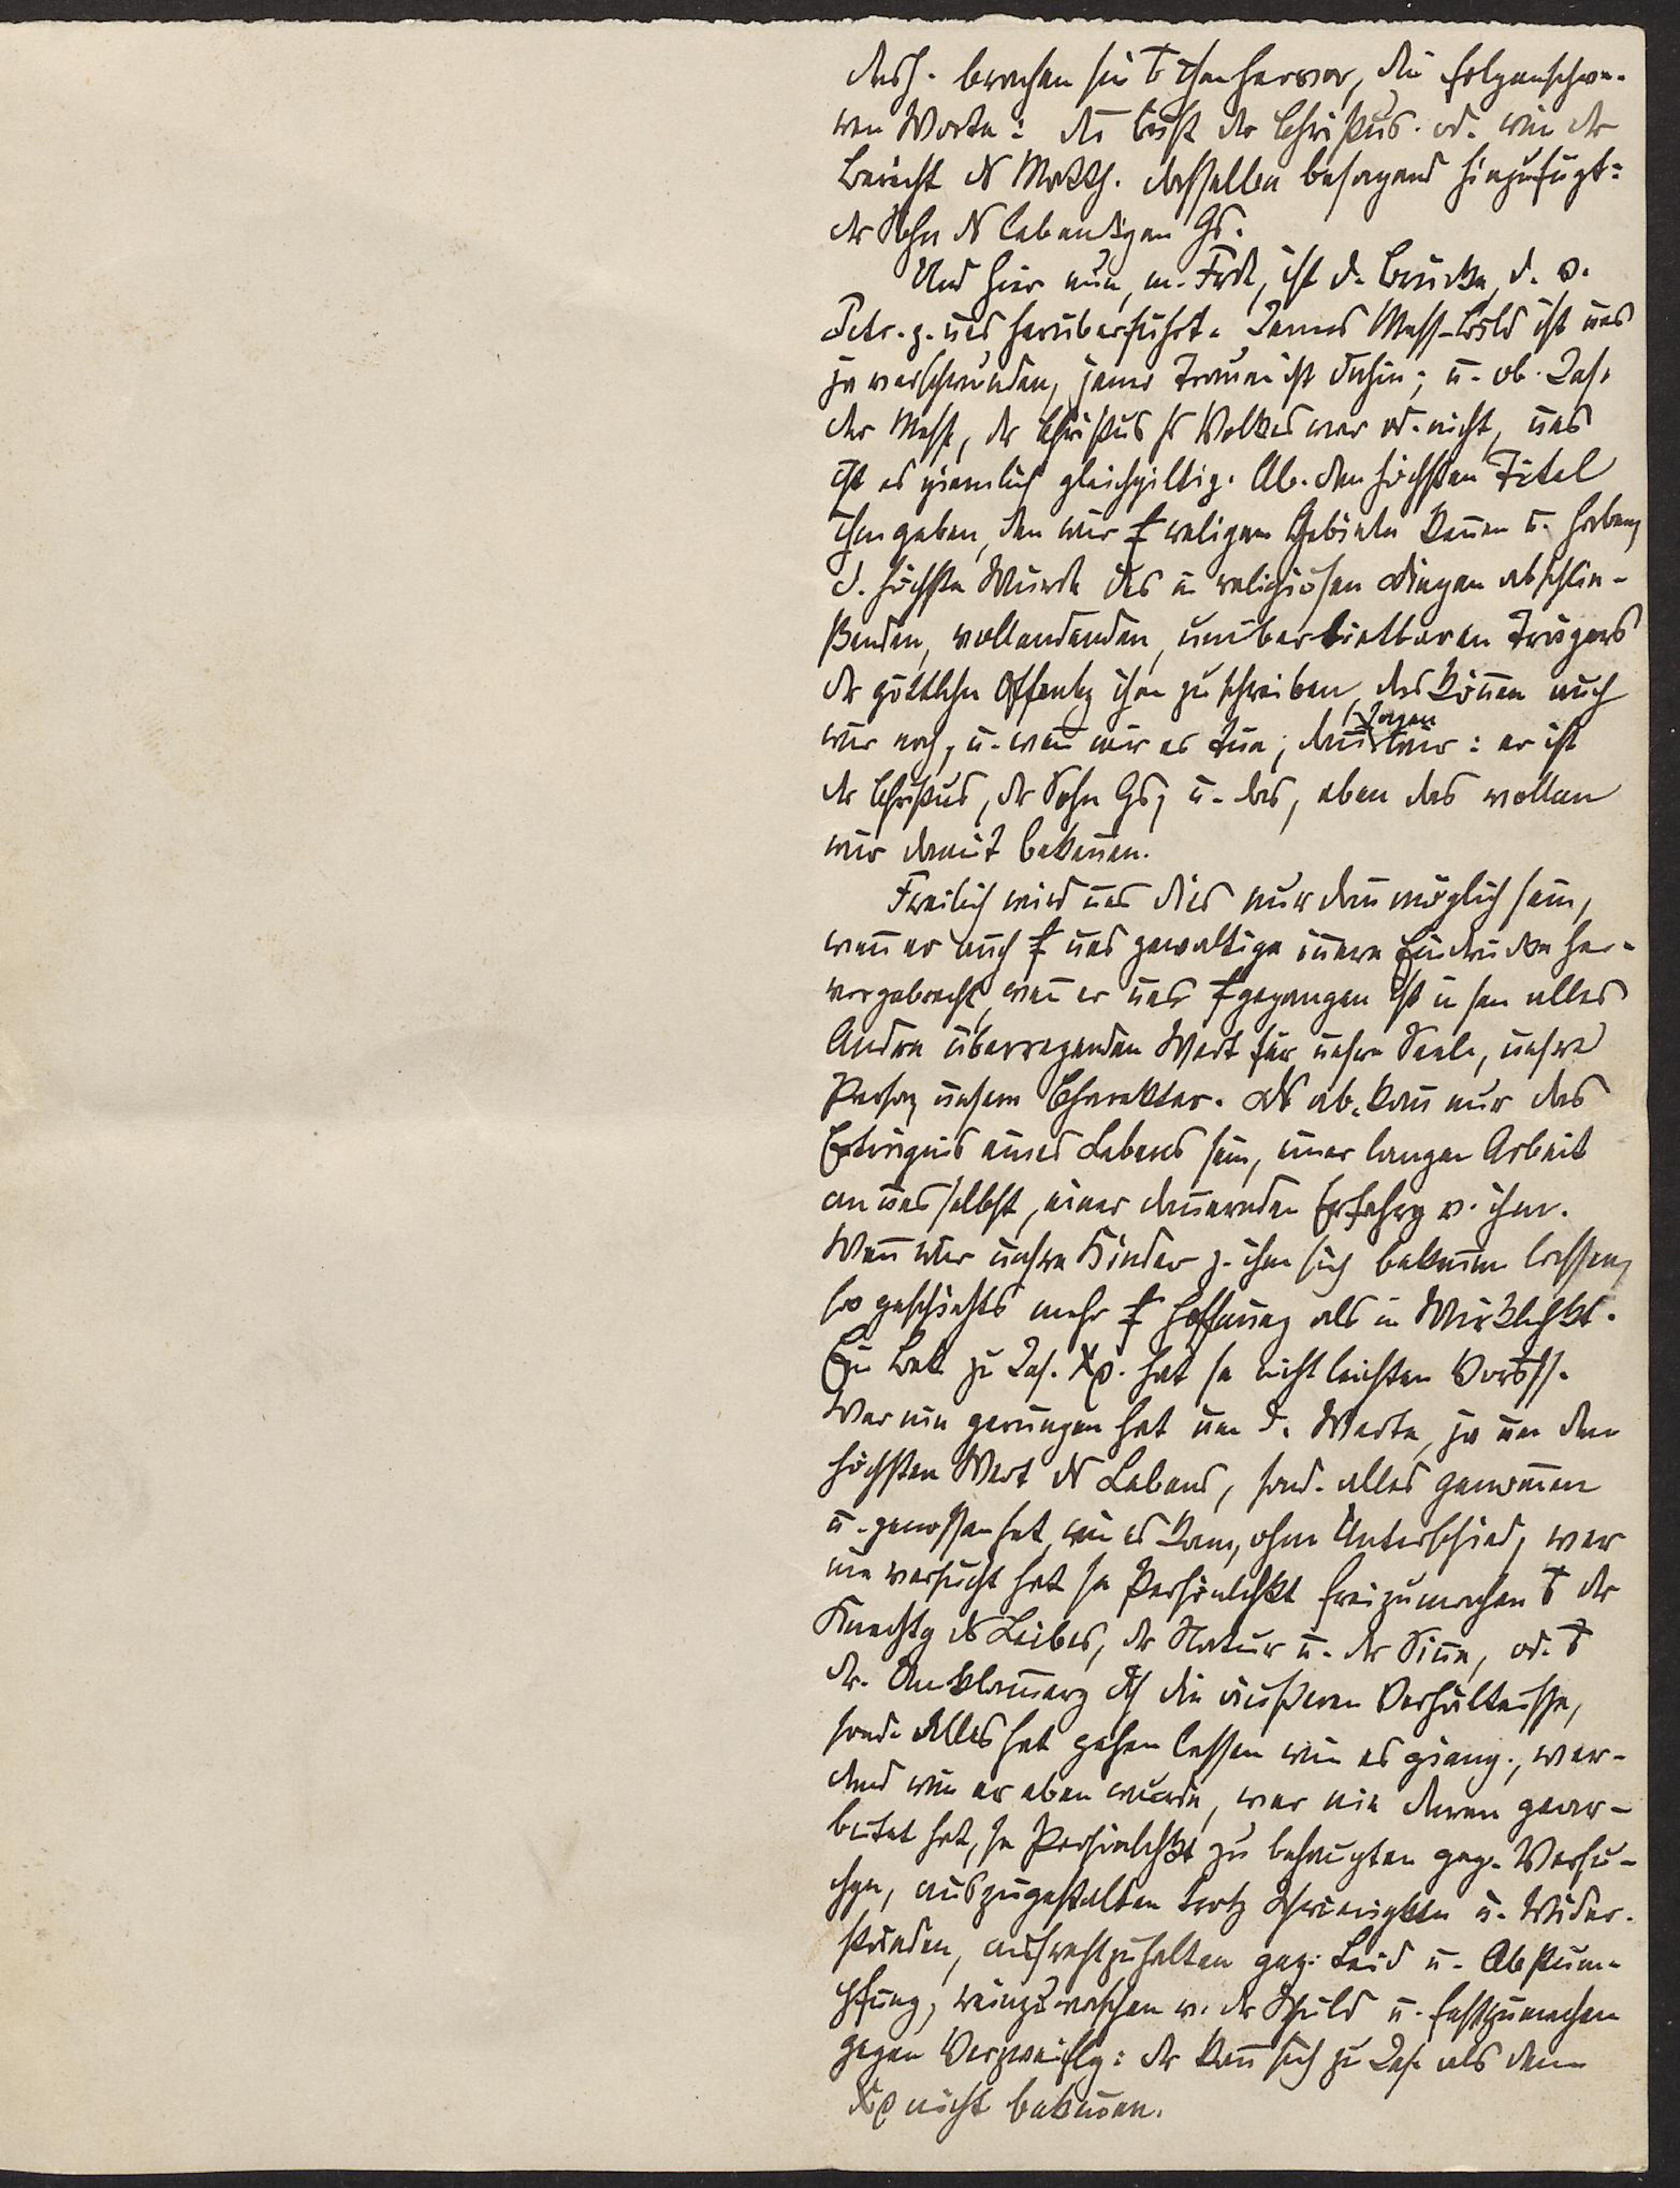desh. brachen sie s ihm hervor, die folgenschwe¬
ren Worte: Du bist der Christus. od. wie dr
Bericht ds Matth. dasselbe besagend hinzufügt:
dr Sohn ds lebendigen Gs.
Und hier nun, m. Frd. ist d. Brücke d. v.
Petr. z. uns herüberführt. Jenes Mess-Bild ist uns
ja verschwunden, jener Traum ist dahin; u. ob. Jes.
der Mess, der Christus ss Volkes war od. nicht, uns
ist es ziemlich gleichgültig. Ab. den höchsten Titel
ihm geben, den wir f. religem Gebiete kenen u. haben,
d. höchste Würde des in religiösen Dingen abschlie¬
ßenden, vollendenden, unpberbietbaren Trägers
der göttlichen Offenbg ihm zuschreiben, das könen auch
sagen
wir noch, u. wen wir es tun, dan wir: er ist
der Christus, dr Sohn Gs, u. das, eben das wollen
wir damit bekenen.
Freilich wird uns dies nur dan möglich sein,
wen er auch f uns gewaltige inere Eindrücke her¬
vorgebracht, wen er uns f gegangen ist in sm alles
Andre überragenden Wert für unsre Seele, unsre
Person, unserm Charakter. Das ab kan nur das
Bedingnis eines Lebens sein, einer langen Arbeit
an uns selbst, einer dauernden Erfahrg v. ihm
Wen wir unsre Kinder z. ihm sich bekenen lassen,
so geschiehts mehr f Hoffnung als in Wirklichkt.
Ein Bek. zu Jes. Χρ hat sn nicht leichten Vorsss.
Wer nie gerungen hat um d. Wert, ja um den
höchsten Wert des Leben, sond. alles gewonen
u. genossen hat, wie es kam, ohne Unterschied, wer
nie versucht hat sn Persönlichkt freizumachen s dr
Knechtg ds Leibes, der NAtur u. der Sine, od s
dr Umklamerg dch die äußeren Verhältnisse,
sond. alles hat gehen lassen wie es gieng; wer¬
den wie es eben wurde, wer nie daran gear¬
beitet hat, sn Persönlichkt zu behaupten geg. Versu¬
chgn, auszugestalten trotz Schwierigktn u. Wider¬
ständen, aufrechtzuhalten geg. Leid u. Abstum¬
pfung, reinzuwaschen v. dr. Schuld u. festzumachen
gegen Verzweiflg: dr kan sich zu Jes. als den
Χρ nicht bekenen.